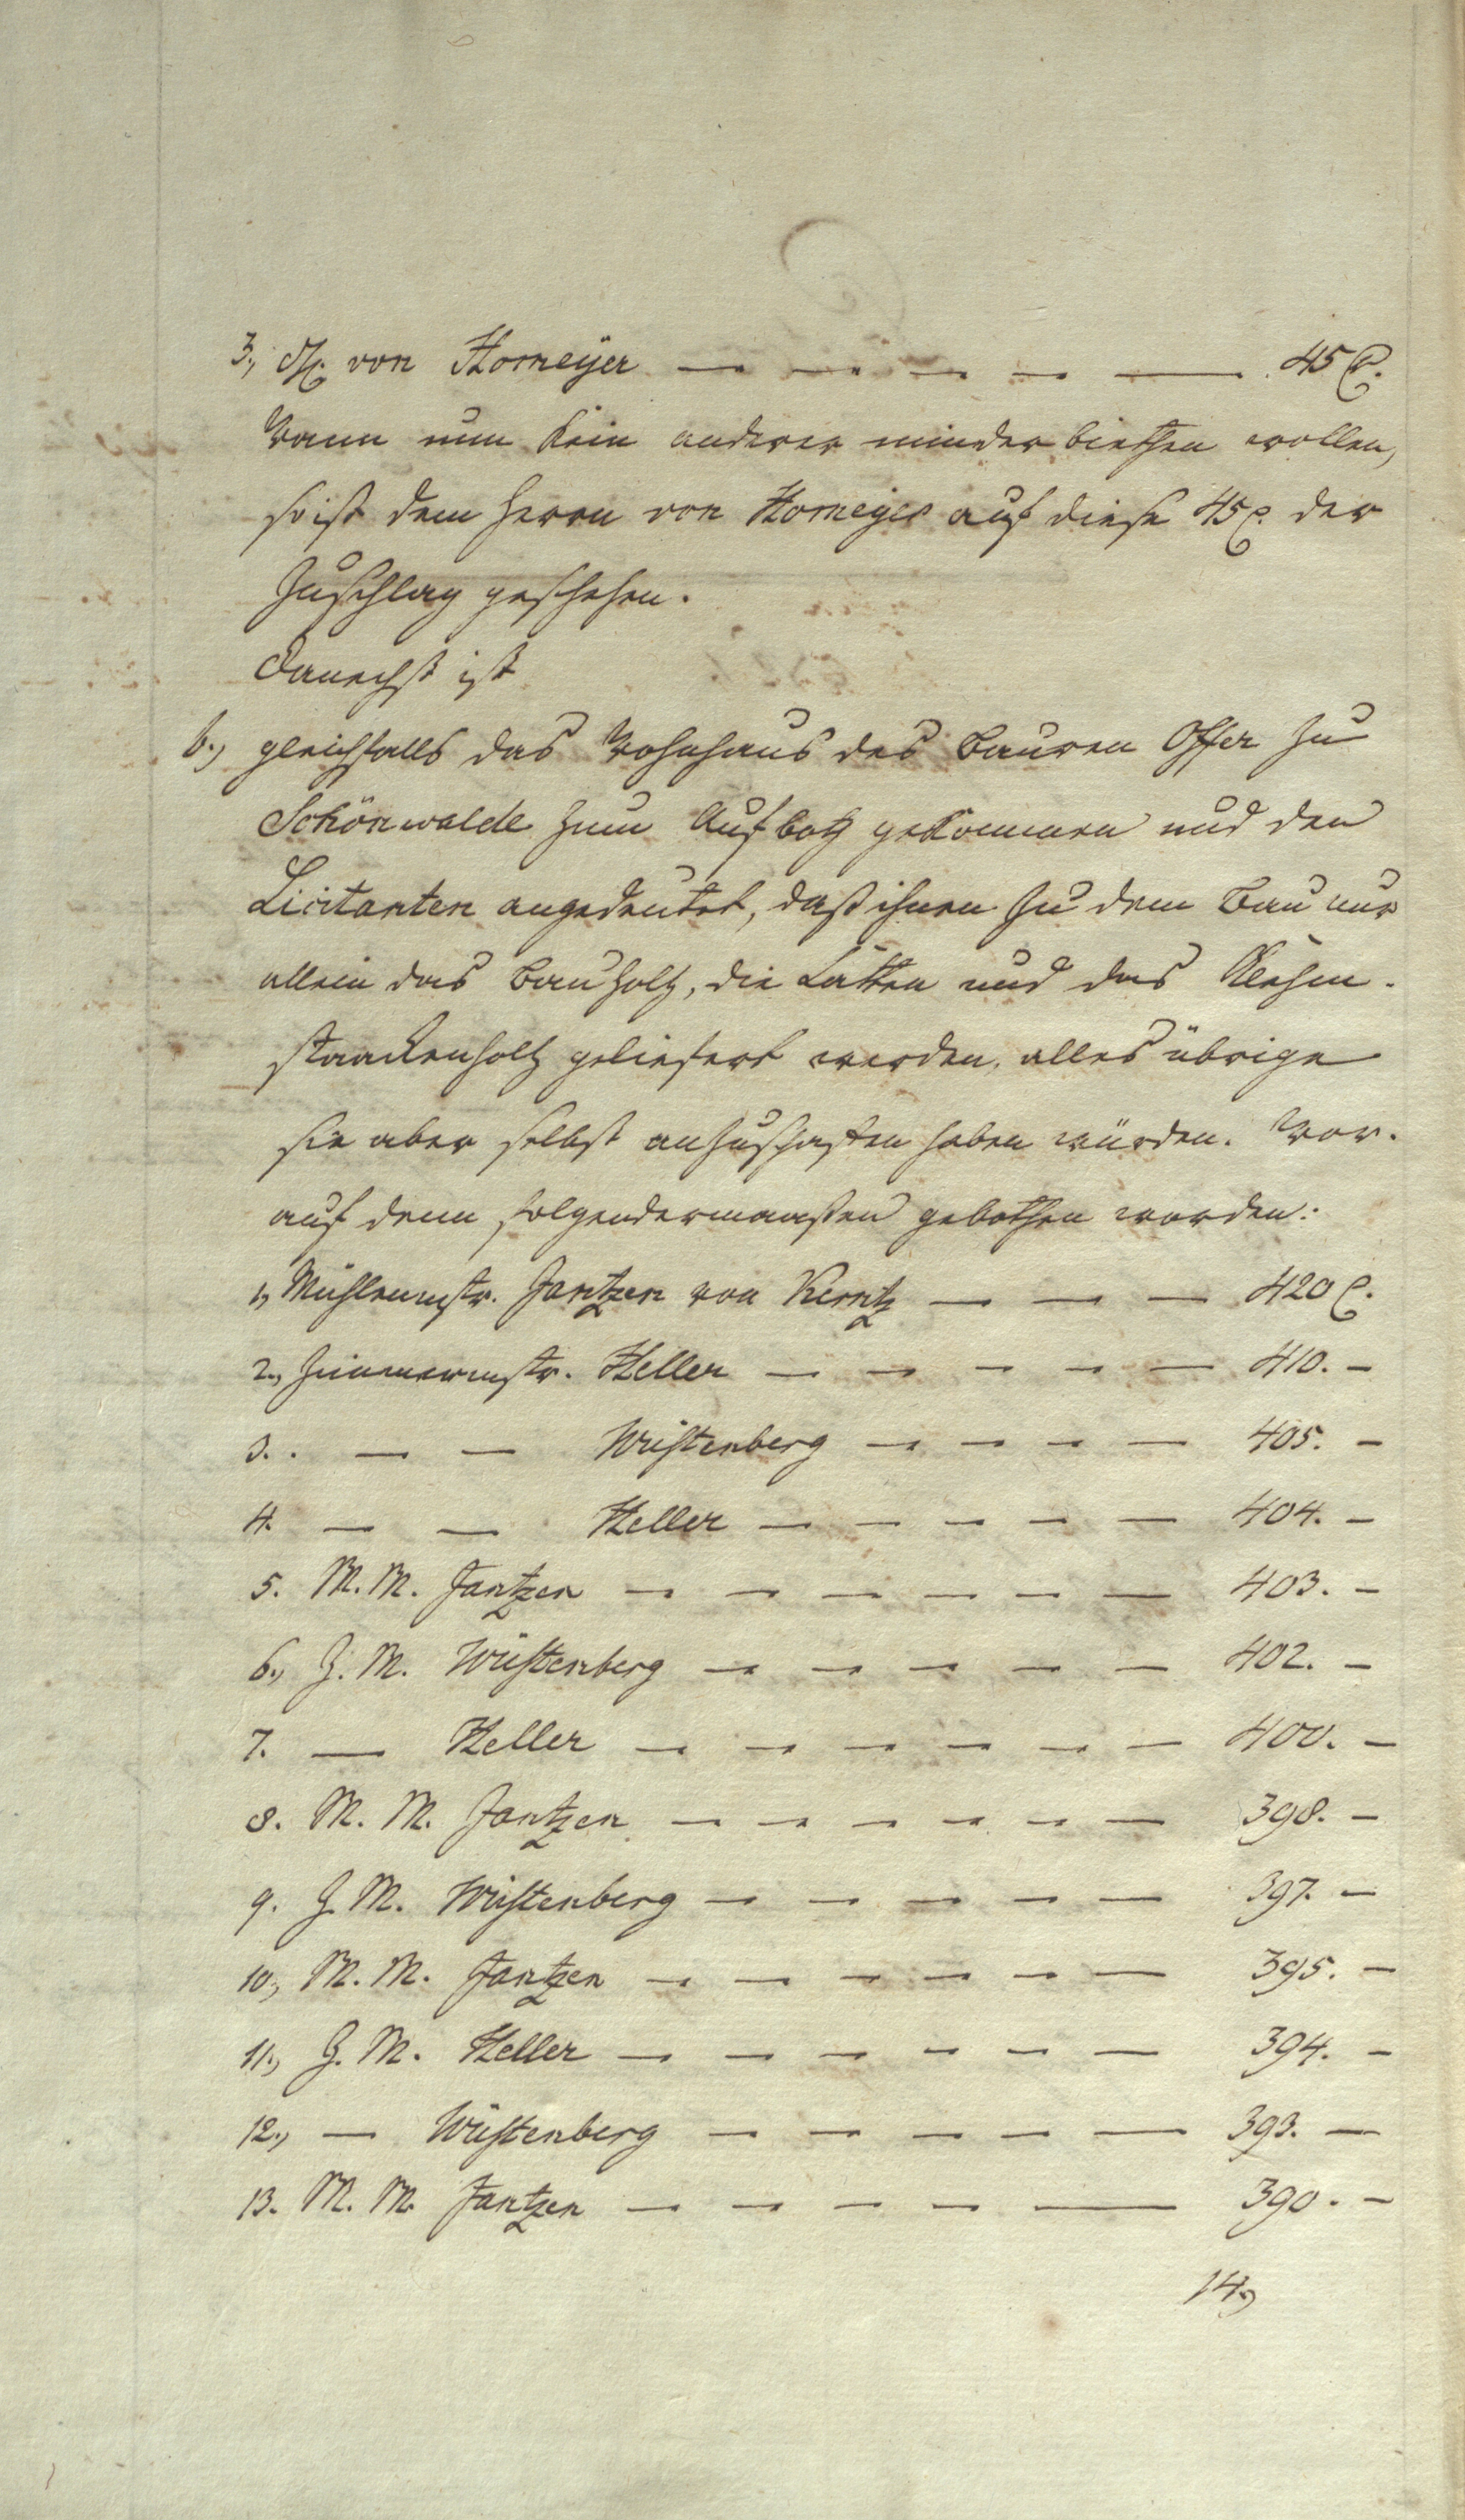3. dh. von Homeyer -"-"-"-"- 45rtl.
Wann nun kein andrer minder biethen wollen,
so ist dem Herrn von Homeyer auf diese 45 rtl. der
Zuschlag geschehen.
Danechst ist
b., gleichfalls das Wohnhaus des Bauren Offer zu
Schönwalde zum Aufboth gekommen und den
Licitanten angeeutet, daß ihnen zu dem Bau nur
allein das Bauholz, die Latten und das Lehm¬
staakenholz geliefert werden, alles übrige
sie aber selbst anzuschaffen haben würden. Wor¬
auf denn folgendermaaßen gebothen worden.
1, Mühlenmstr. Jantzen von Kemtz ---420 rtl.
2., Zimmermstr. Heller ----- 410. -
3.. -- Wistenberg ---- 405. -
4. -- Heller ----- 404. -
5. M. M. Jantzen ------ 403. -
6. Z. M. Wüstenberg ----- 402. -
7. - Heller ------ 400. -
8. M. M. Jantzen ------ 398. -
9. Z. M. Wistenberg ----- 397. -
10, M. M. Jantzen ------ 395. -
11., Z. M. Heller ------ 394. -
12., - Wüstenbertg ----- 393. -
13. M. M. Jantzen ----- 390. -
14.,